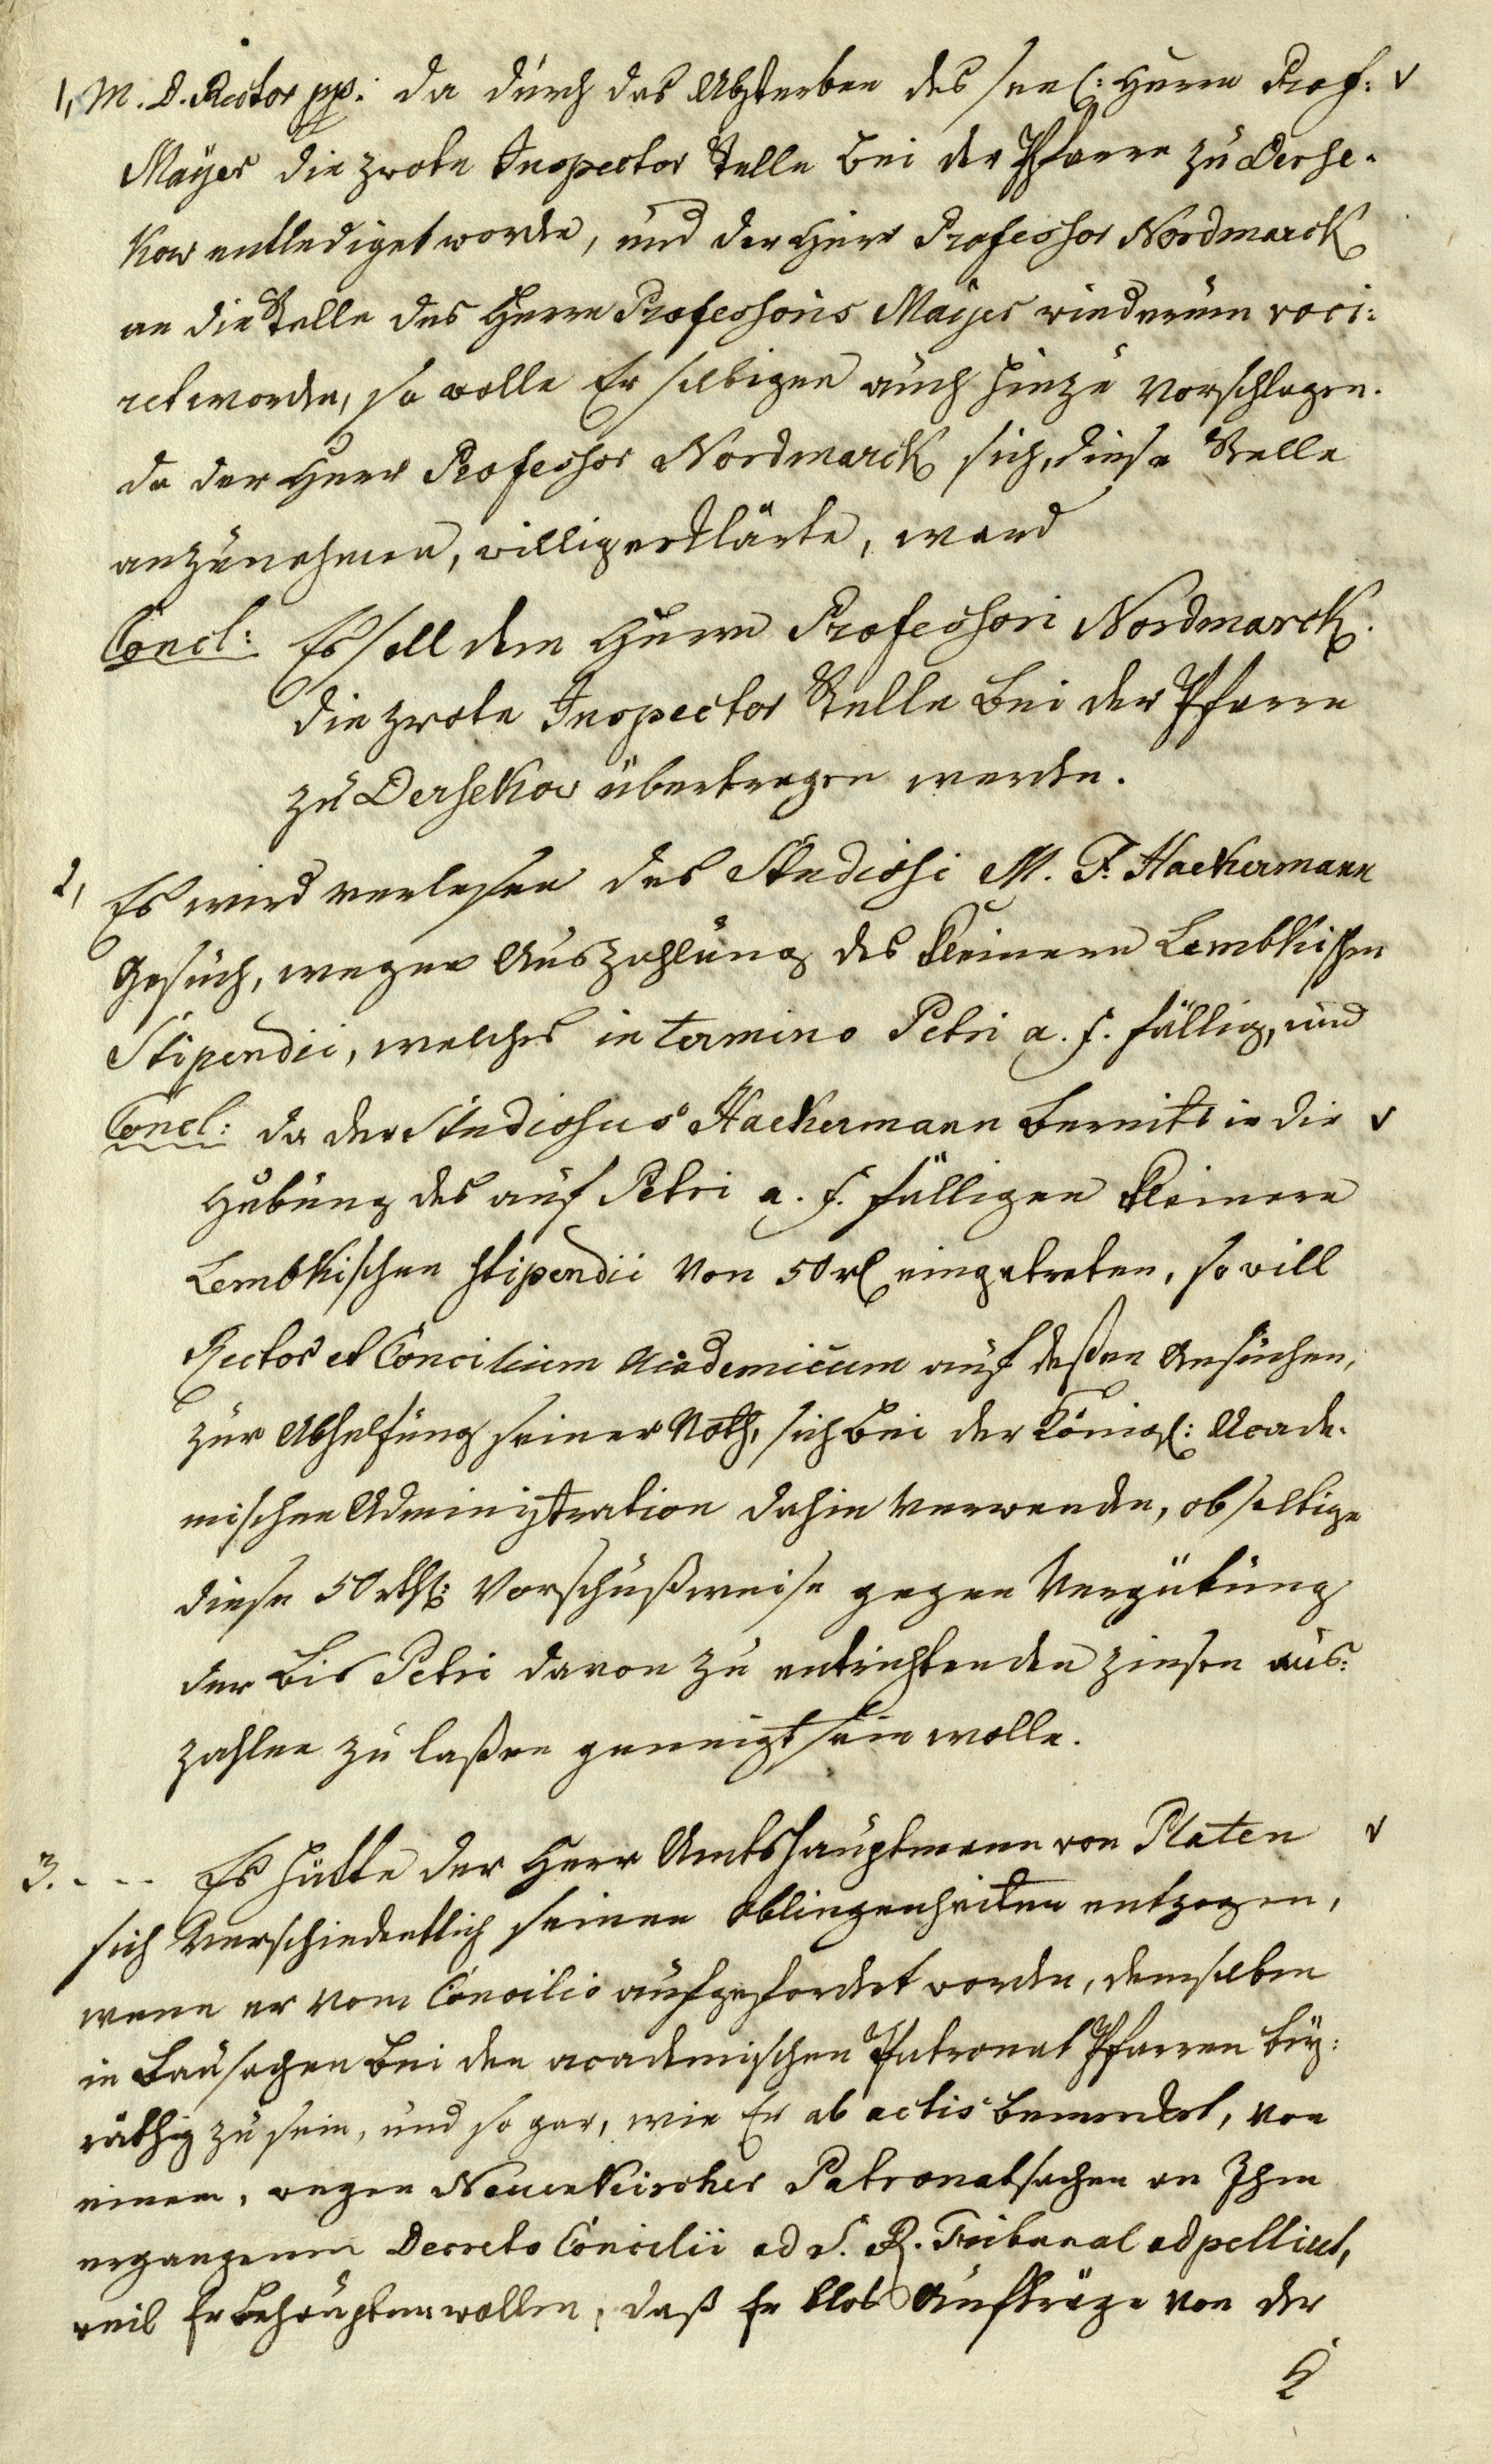1. M. D. Rector pp. Da durch das Absterben des seel. Herrn Prof.
Maÿer die zwote Inspector Stelle bei der Pfarre zu Derse¬
kow entlediget worden, und der Herr Professor Nordmarck
an die Stelle des Herrn Professoris Maÿer wiederum voci¬
ret worden, so wolle Er selbigen auch hiezu vorschlagen.
Da der Herr Professor Nordmarck sich, diese Stelle
anzunehmen, willig erklärte, ward
Concl. Es soll dem Herrn Professori Nordmarck
die zwote Inspector Stelle bei der Pfarre
zu Dersekow übertragen werden.
2, Es wird verlesen des Studiosi M. J. Haekermann
Gesuch, wegen Auszahlung des kleinen Lembkischen
Stipendii, welches in termino Petri a. f. fällig, und
Concl. da der Studiosus Haekermann bereits in die
Hebung des auf Petri a. f. fälligen kleinen
Lembkischen Stipendii von 50 r. eingetreten, so will
Rector et Concilium Academicum auf deßen Ansuchen,
zur Abhelfung seiner Noth, sich bei der Königl. Acade¬
mischen Administration dahin verwenden, ob selbige
diese 50 rth. voschußweise gegen Vergütung
der bis Petri davon zu entrichtenden Zinsen aus¬
zahlen zu laßen geneigt sein wolle.
3. Es hätte der Herr Amtshauptmann von Platen
sich verschiedentlich seinen Obliegenheiten entzogen,
wenn er vom Concilio aufgefordert worden, demselben
in Bausachen bei den academischen Patronat Pfarren beÿ¬
räthig zu sein, und so gar, wie Er ab actis bemercket, von
einem, wegenNeuenkircher Patronatsachen an Ihm
ergangenen Decreto Concilii ad S. R. Tribunal adpelliret,
weil Er behaupten wollen, daß Er blos Aufträge von der
K